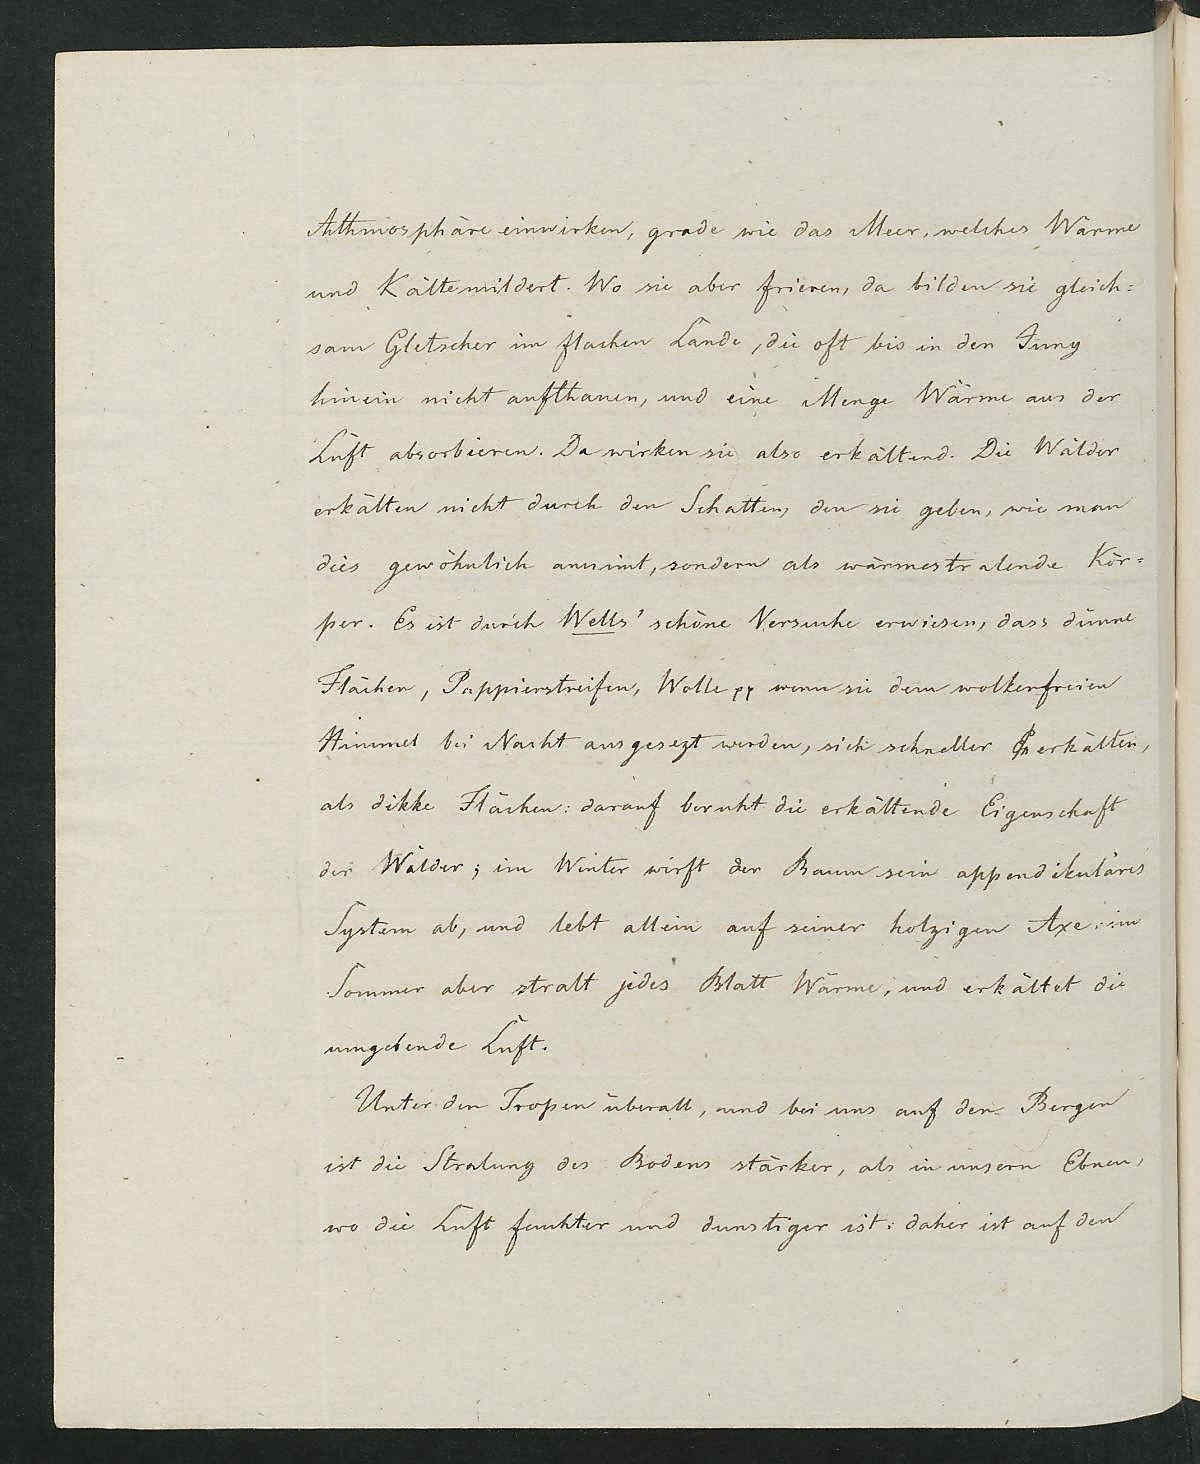Athmosphäre einwirken, grade wie das Meer, welches Wärme
und Kälte mildert. Wo sie aber frieren, da bilden sie gleich-
sam Gletscher im flachen Lande, die oft bis in den Juny
hinein nicht aufthauen, und eine Menge Wärme aus der
Luft absorbieren. Da wirken sie also erkältend. Die Wälder
erkälten nicht durch den Schatten, den sie geben, wie man
dies gewöhnlich annimt, sondern als wärmestralende Kör-
per. Es ist durch Wells' schöne Versuche erwiesen, dass dünne
Flächen, Pappierstreifen, Wolle pp wenn sie dem wolkenfreien
Himmel bei Nacht ausgesezt werden, sich schneller Ererkälten,
als dikke Flächen: darauf beruht die erkältende Eigenschaft
der Wälder; im Winter wirft der Baum sein appendikuläres
System ab, und lebt allein auf seiner holzigen Axe: im
Sommer aber stralt jedes Blatt Wärme, und erkältet die
umgebende Luft.
Unter den Tropen überall, und bei uns auf den Bergen
ist die Stralung des Bodens stärker, als in unsern Ebnen,
wo die Luft feuchter und dunstiger ist: daher ist auf den